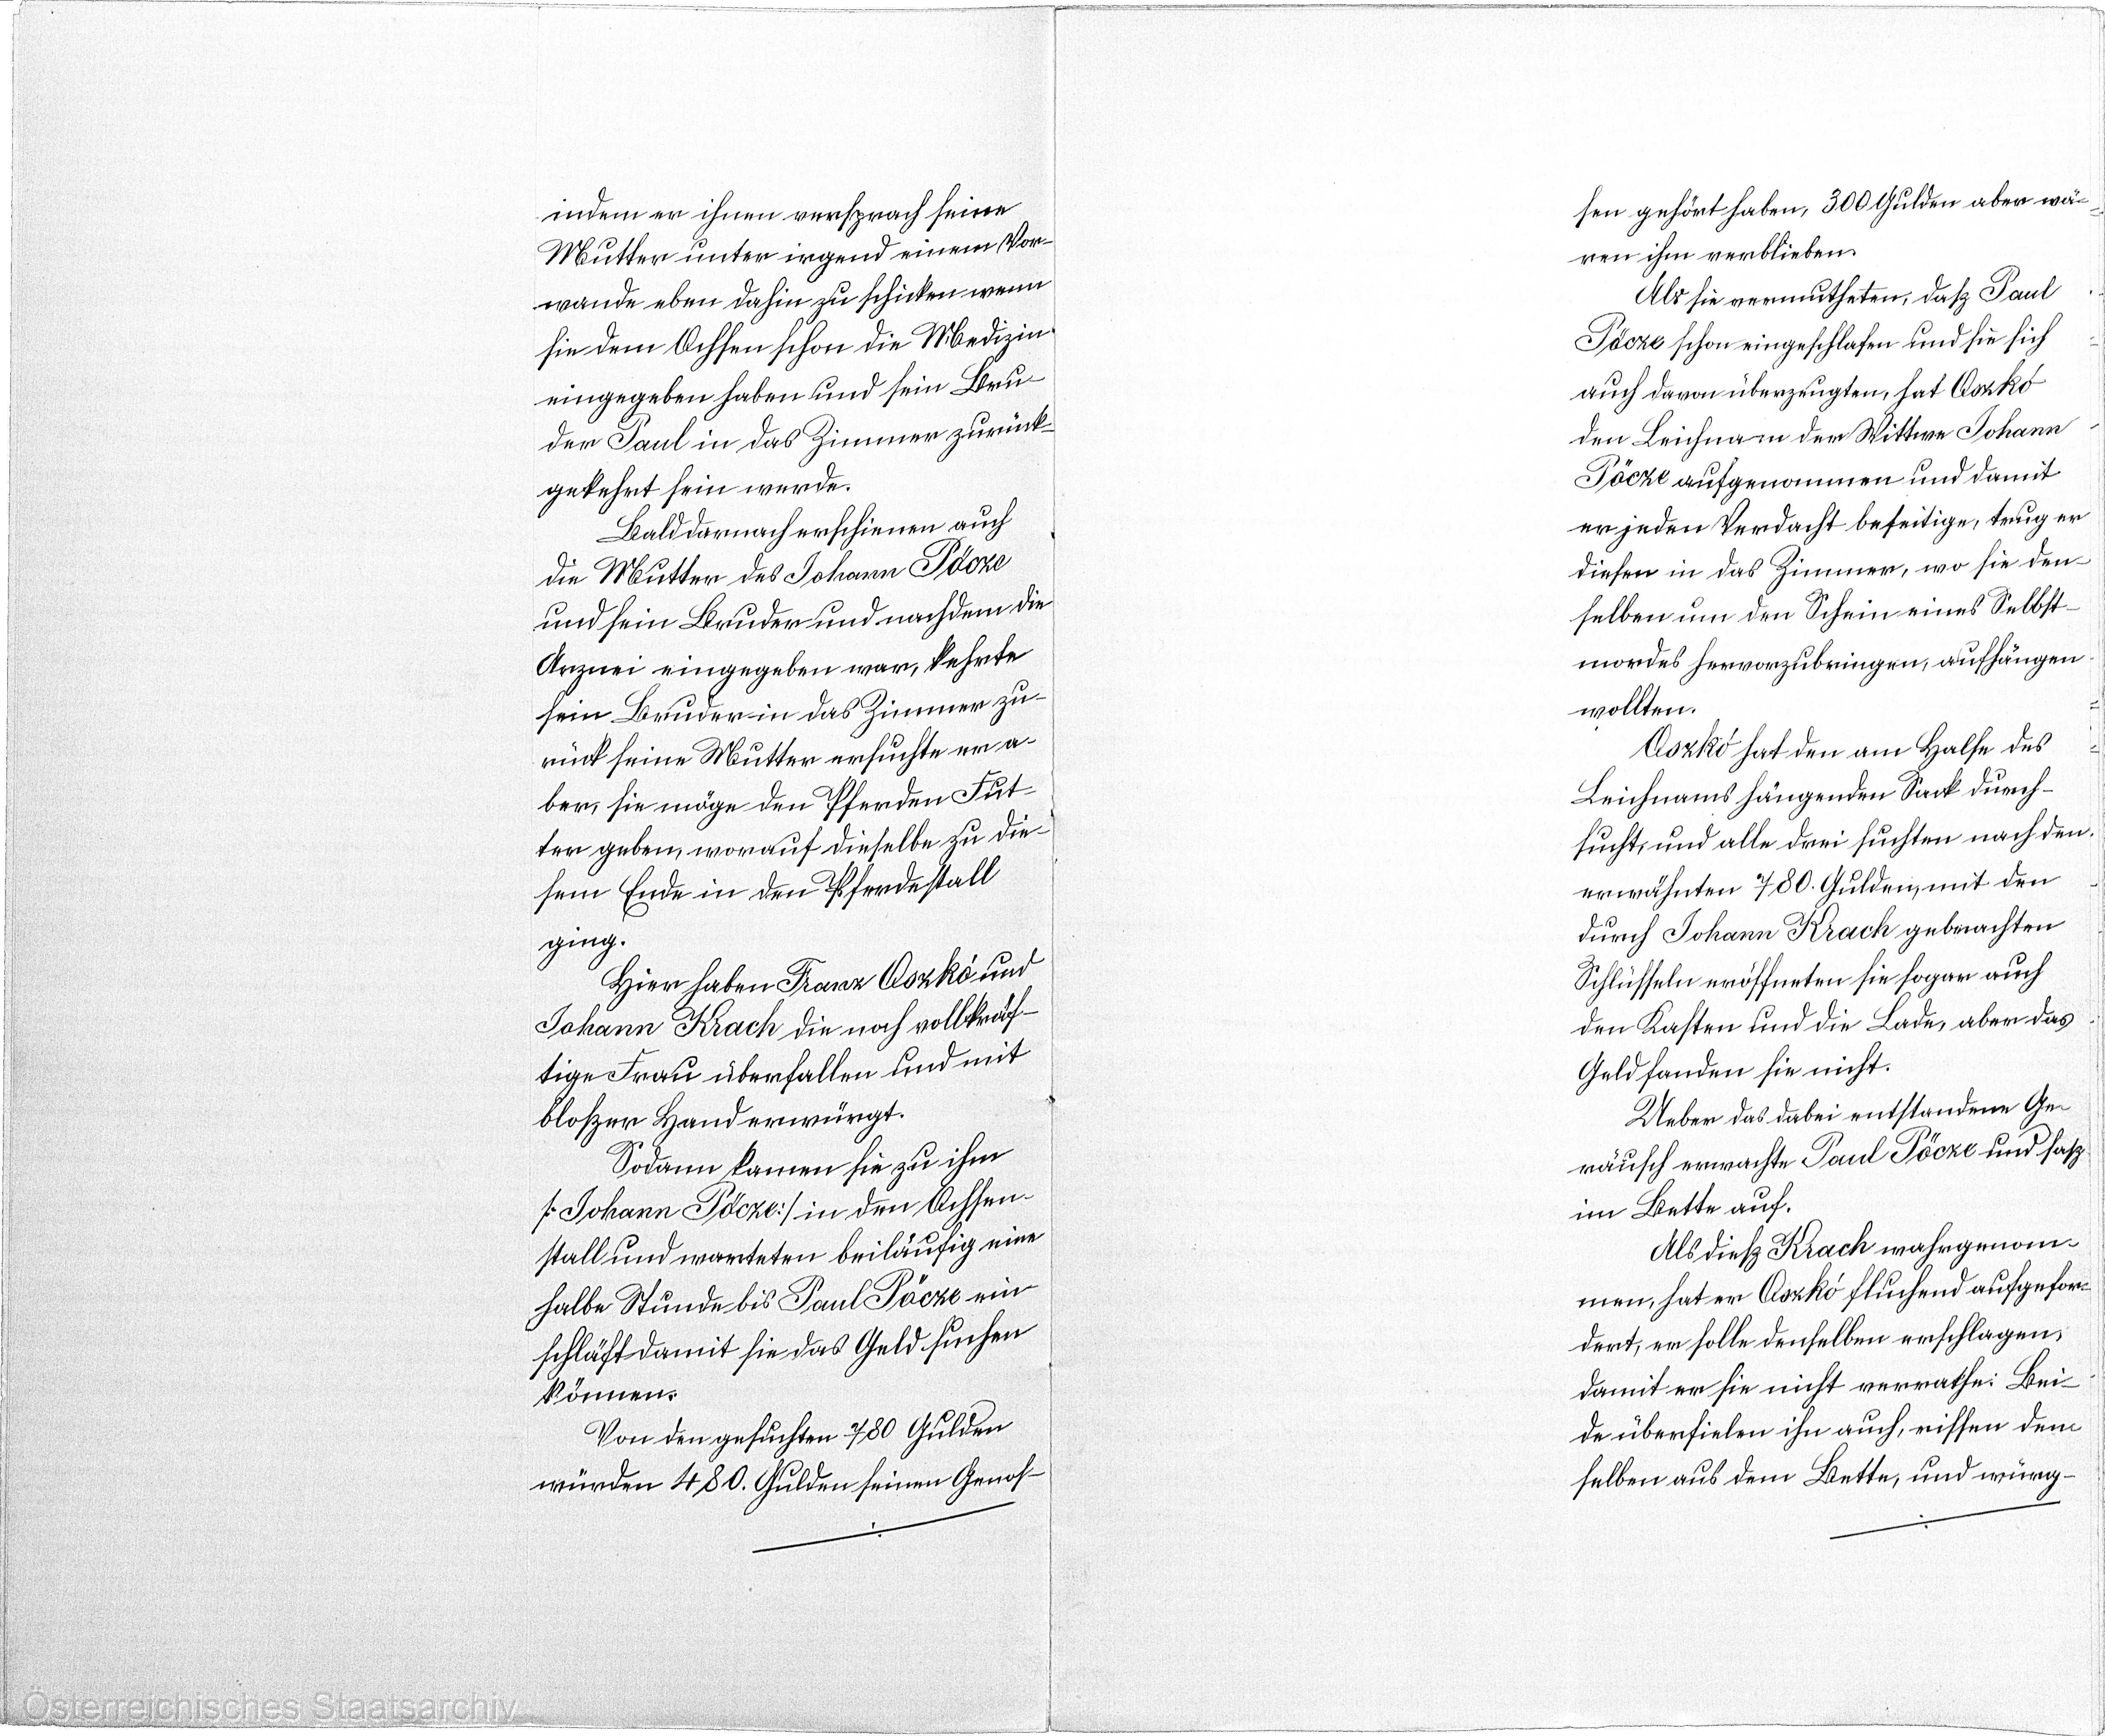indem er ihnen versprach seine
Mutter unter irgend einem Vor¬
wande eben dahin zu schicken wenn
sie dem Ochsen schon die Medizin
eingegeben haben und sein Bru¬
der Paul in das Zimmer zurück¬
gekehrt sein werde.
Bald darnach erschienen auch
die Mutter des Johann Pöcze
und sein Bruder und nachdem die
Arznei eingegeben war, kehrte
sein Bruder in das Zimmer zu¬
rück seine Mutter ersuchte er a¬
ber, sie möge den Pferden Fut¬
ter geben, worauf dieselbe zu die¬
sem Ende in den Pferdestall
ging.
Hier haben Franz Oszkó und
Johann Krach die noch vollkräf¬
tige Frau überfallen und mit
bloßer Hand erwürgt.
Sodann kamen sie zu ihm
(Johann Pöcze) in den Ochsen¬
stall und warteten beiläufig eine
halbe Stunde bis Paul Pöcze ein¬
schläft damit sie das Geld suchen
können.
Von den gesuchten 780 Gulden
würden 480 Gulden seinen Genos¬
sen gehört haben, 300 Gulden aber wä¬
ren ihm verblieben.
Als sie vermutheten, daß Paul
Pöcze schon eingeschlafen und sie sich
auch davon überzeugten, hat Oszkó
den Leichnam der Wittwe Johann
Pöcze aufgenommen und damit
er jeden Verdacht beseitige, trug er
diesen in das Zimmer, wo sie den¬
selben um den Schein eines Selbst¬
mordes hervorzubringen, aufhängen
wollten.
Oszkó hat den am Halse des
Leichnams hängenden Sack durch¬
sucht und alle drei suchten nach den
erwähnten 780 Gulden, mit den
durch Johann Krach gebrachten
Schlüsseln eröffneten sie sogar auch
den Kasten und die Lade, aber das
Geldfanden sie nicht.
Ueber das dabei entstandenen Ge¬
räusch erwachte Paul Pöcze und saß
im Bette auf.
Als dieß Krach wahrgenom¬
men, hat er Oszkó fluchend aufgefor¬
dert, er solle denselben erschlagen,
damit er sie nicht verrathe. Bei¬
de überfielen ihn auch, rissen dem
selben aus dem Bette, und würg¬